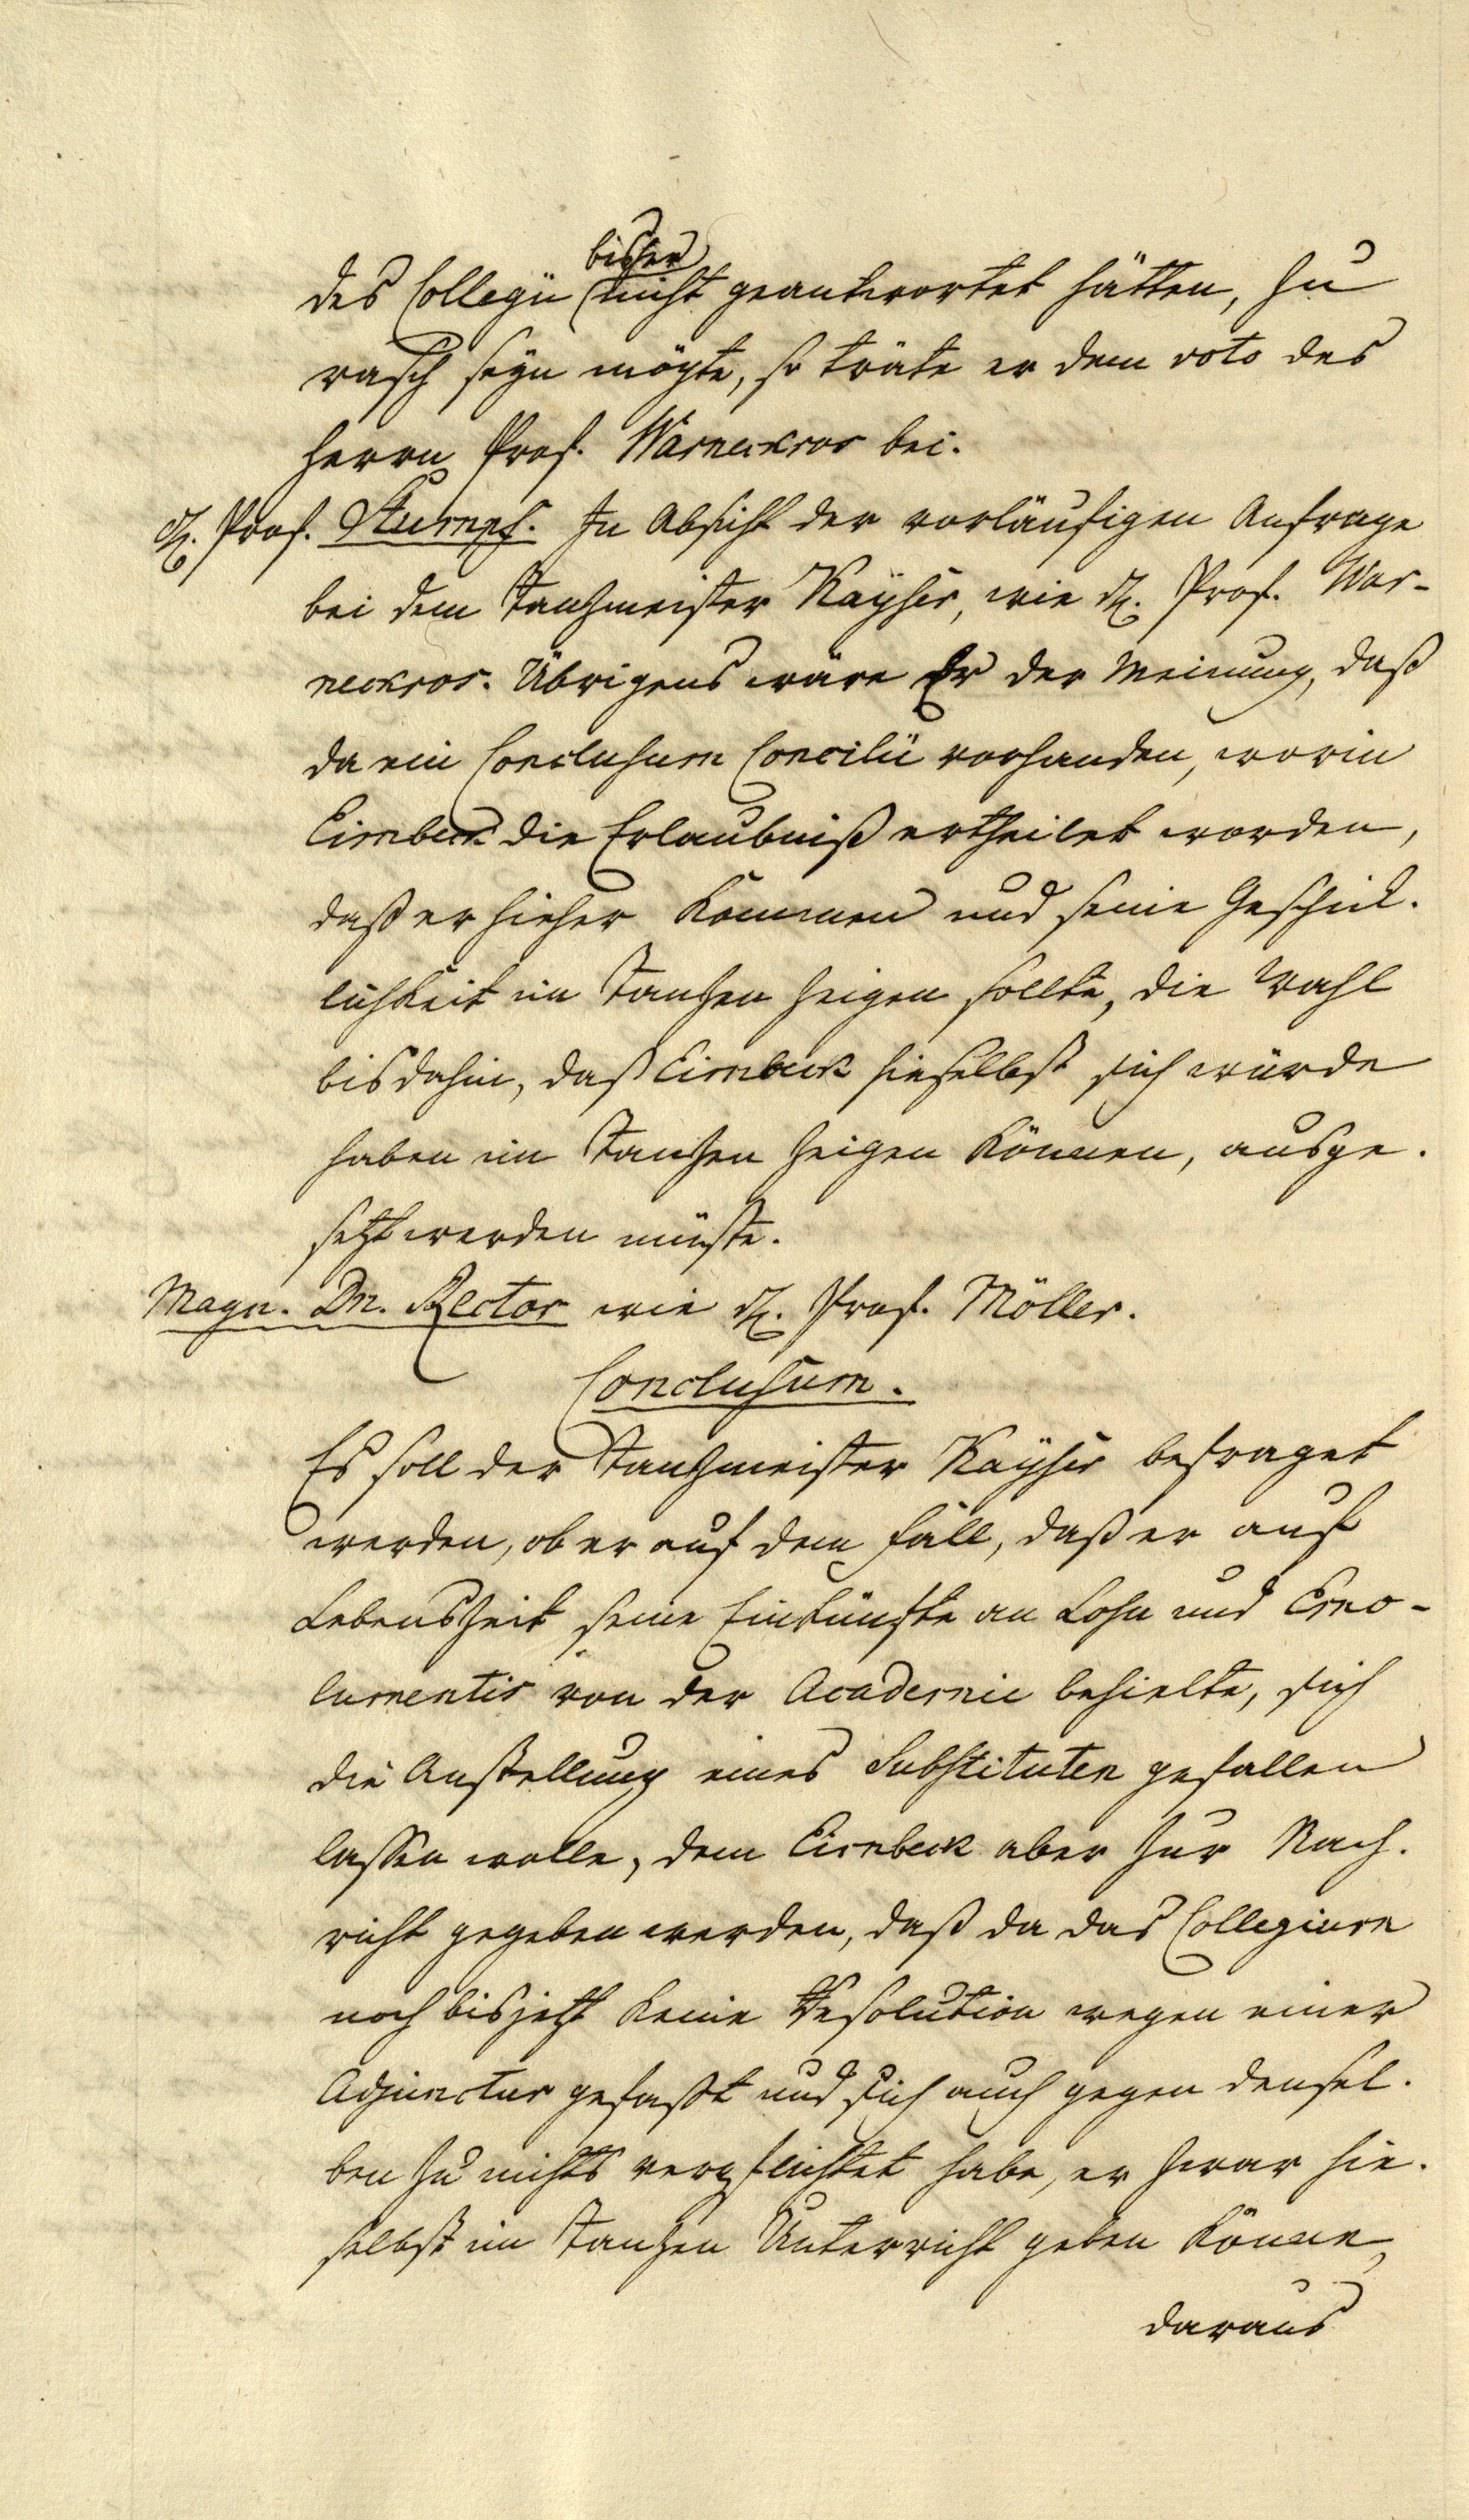des Collegii nicht geantwortet hätten, zu
rasch seyn mögte, so träte er dem voto des
Herrn Prof. Warnckros bei.
dh. Prof. Stumpf. In Absicht der vorläufigen Anfrage
bei dem Tanzmeister Kayser, wie dh. Prof. War-
neckros. Übrigens wäre Er der Meinung, daß
da ein Conclusum Concilii vorhanden, worin
Eimbeck die Erlaubniß ertheilet worden,
daß er hieher kommen und seine Gechick-
lichkeit im Tanzen zeigen sollte, die Wahl
bis dahin, daß Eimbeck hieselbst sich würde
haben im Tanzen zeigen können, ausge-
setzt werden müßte.
Magn. Dn. Rector wie dh. Prof. Möller.
Conclusum.
Es soll der Tanzmeister Kayser befraget
werden, ob er auf dem Fall, daß er auf
Lebenszeit seine Einkünfte an Lohn und Emo-
lumentis von der Academie behielte, sich
die Anstellung eines Substituten gefallen
lassen wolle, dem Eimbeck aber zur Nach-
richt gegeben werden, daß da das Collegium
noch bis jetzt keine Resolution wegen einer
Adjunctur gefasset und sich auch gegen densel-
ben zu nichts verpflichtet habe, er zwar hie-
selbst im Tanzen Unterricht geben könne,
daraus